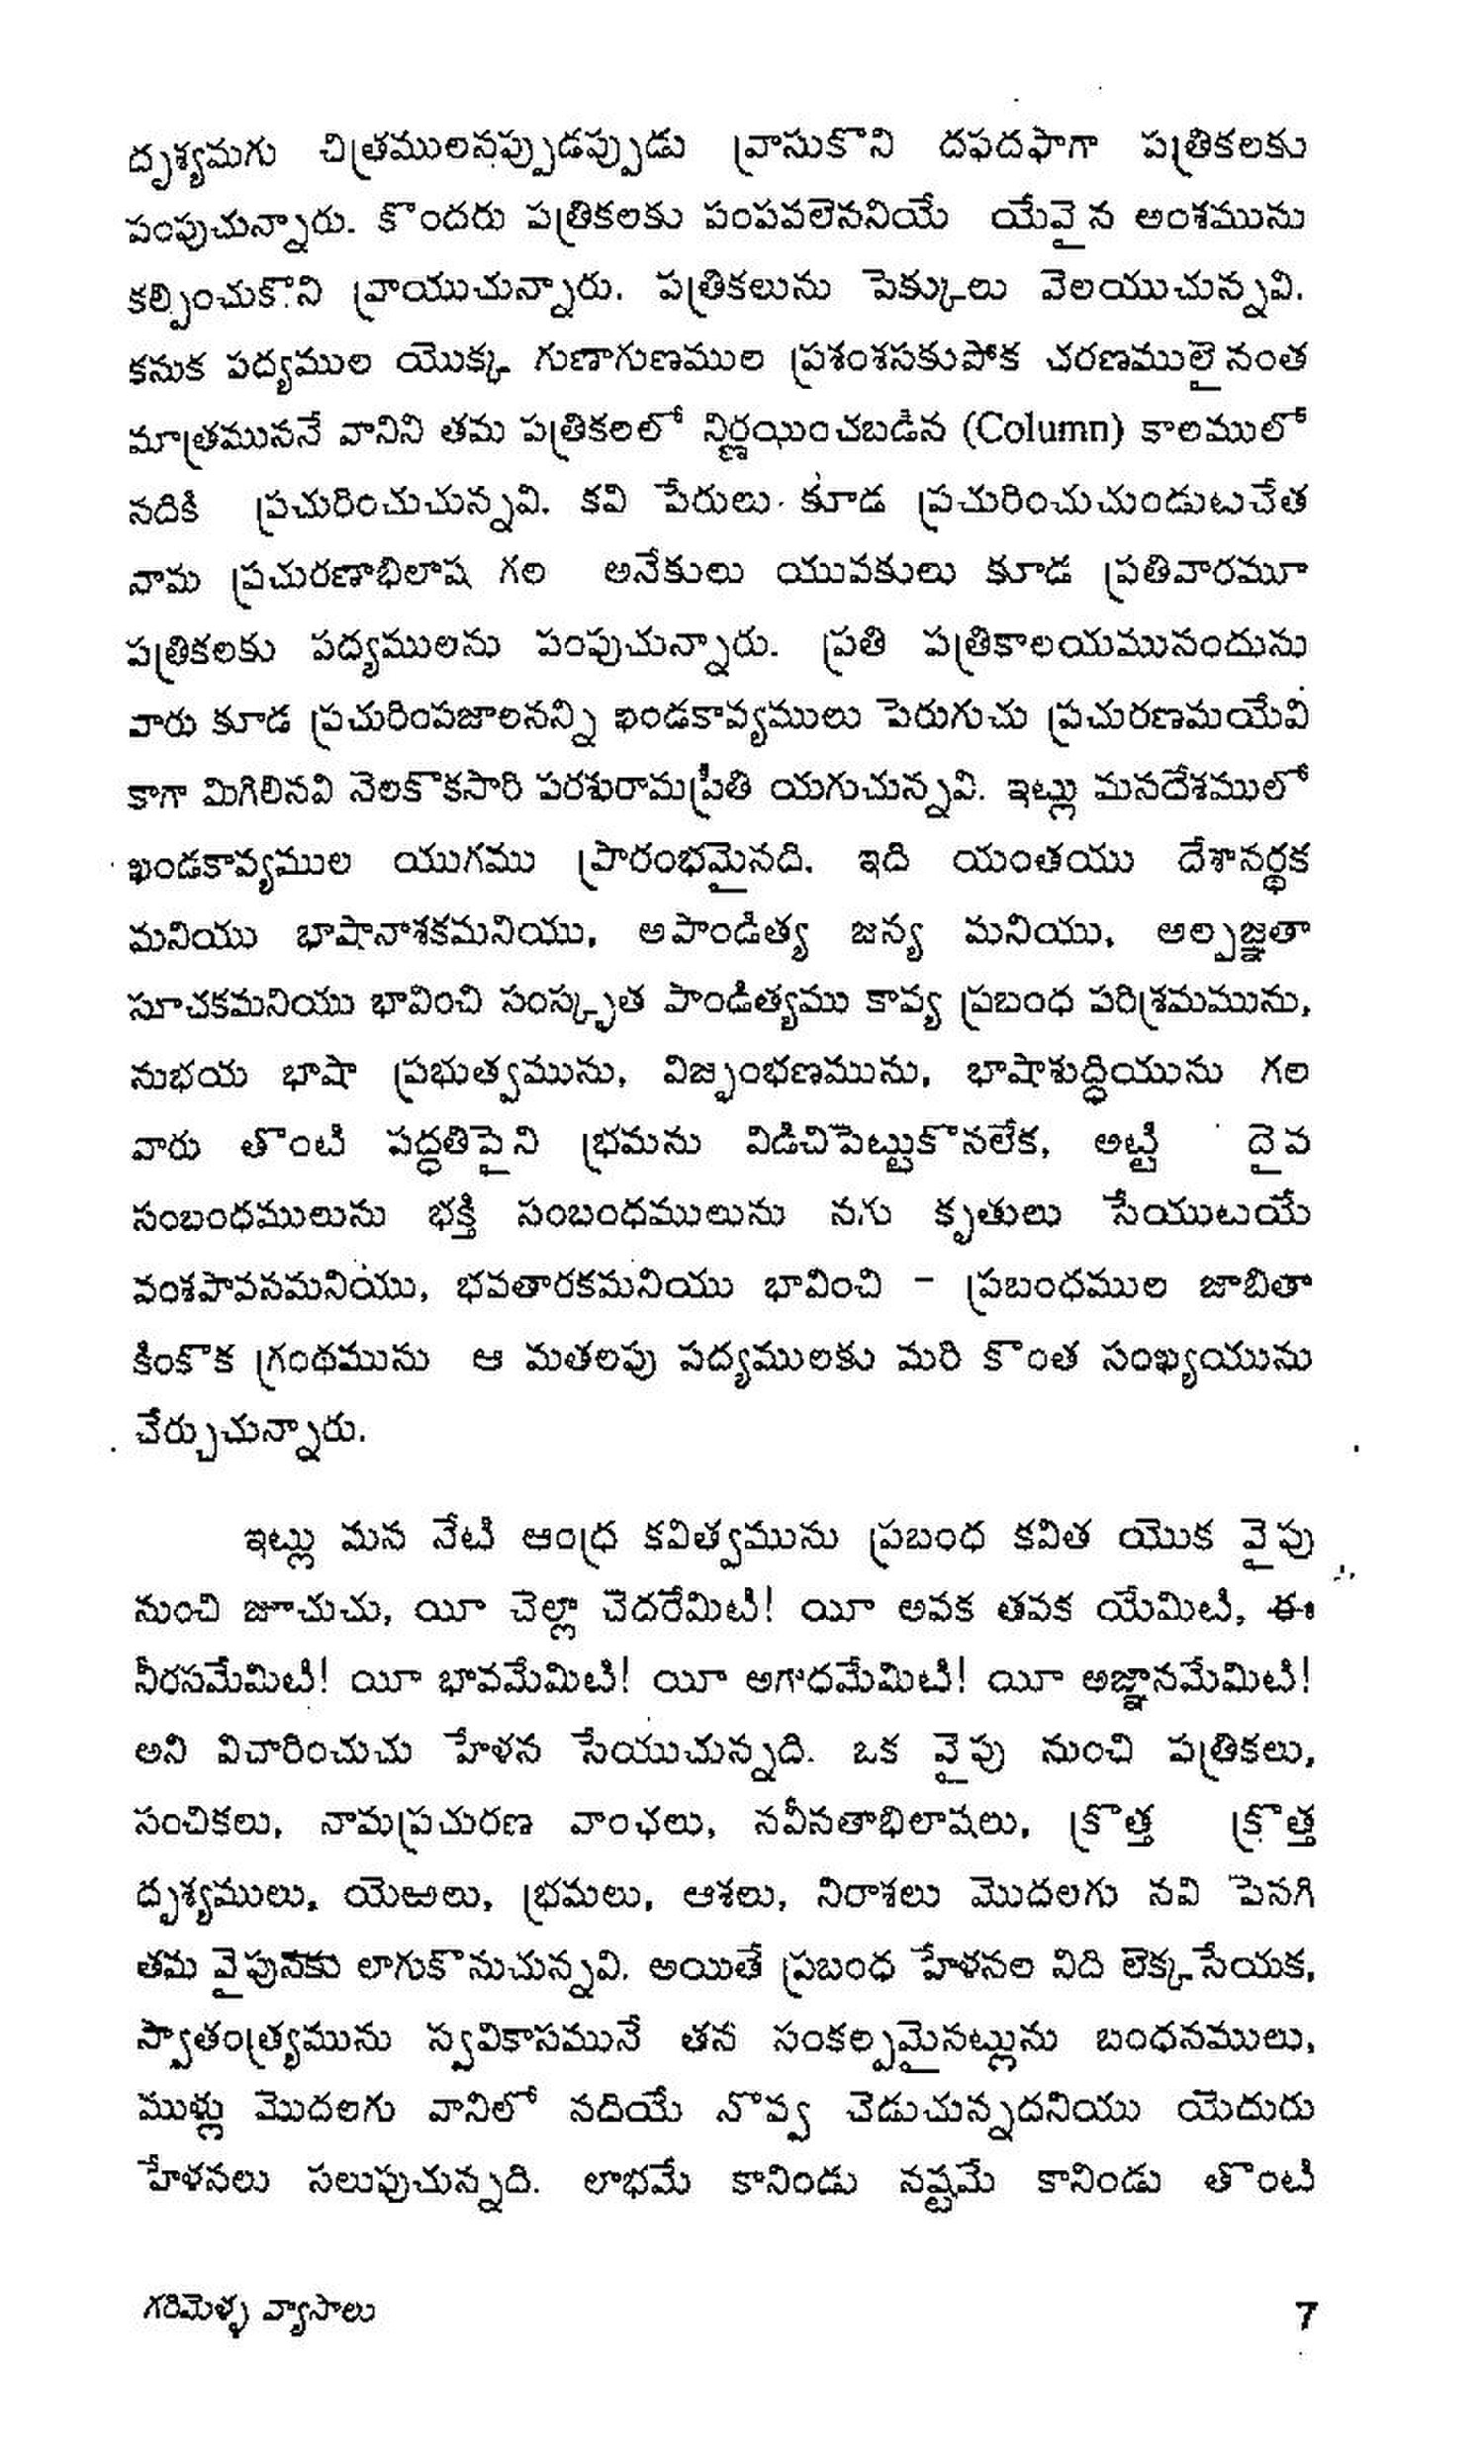దృశ్యమగు చిత్రములనప్పుడప్పుడు వ్రాసుకొని దఫదఫాగా పత్రికలకు పంపుచున్నారు. కొందరు పత్రికలకు పంపవలెననియే యేవైన అంశమును కల్పించుకొని వ్రాయుచున్నారు. పత్రికలును పెక్కులు వెలయుచున్నవి. కనుక పద్యముల యొక్క గుణాగుణముల ప్రశంశసకుపోక చరణములైనంత మాత్రముననే వానిని తమ పత్రికలలో నిర్ణయించబడిన (Column) కాలములో నదికి ప్రచురించుచున్నవి. కవి పేరులు కూడ ప్రచురించుచుండుటచేత నామ ప్రచురణాభిలాష గల అనేకులు యువకులు కూడ ప్రతివారమూ పత్రికలకు పద్యములను పంపుచున్నారు. ప్రతి పత్రికాలయమునందును వారు కూడ ప్రచురింపజాలనన్ని ఖండకావ్యములు పెరుగుచు ప్రచురణమయేవి కాగా మిగిలినవి నెలకొకసారి పరశురామప్రీతి యగుచున్నవి. ఇట్లు మనదేశములో ఖండకావ్యముల యుగము ప్రారంభమైనది. ఇది యంతయు దేశానర్థక మనియు భాషానాశకమనియు, అపాండిత్య జన్య మనియు, అల్పజ్ఞతా సూచకమనియు భావించి సంస్కృత పాండిత్యము కావ్య ప్రబంధ పరిశ్రమమును, నుభయ బాషా ప్రభుత్వమును, విజృంభణమును, భాషాశుద్ధియును గలవారు తొంటి పద్దతిపైని భ్రమను విడిచిపెట్టుకొనలేక, అట్టి దైవ సంబంధములును భక్తి సంబంధములును నగు కృతులు సేయుటయే వంశపావనమనియు, భవతారకమనియు భావించి - ప్రబంధముల జాబితా కింకొక గ్రంథమును ఆ మతలపు పద్యములకు మరి కొంత సంఖ్యయును చేర్చుచున్నారు.

ఇట్లు మన నేటి ఆంధ్ర కవిత్వమును ప్రబంధ కవిత యొక వైపు నుంచి జూచుచు, యీ చెల్లా చెదరేమిటి! యీ అవక తవక యేమిటి, ఈ నీరసమేమిటి ! యీ భావమేమిటి! యీ అగాధమేమిటి! యీ అజ్ఞానమేమిటి! అని విచారించుచు హేళన సేయుచున్నది. ఒక వైపు నుంచి పత్రికలు, సంచికలు, నామప్రచురణ వాంఛలు, నవీనతాభిలాషలు, క్రొత్త క్రొత్త దృశ్యములు, యెఱలు, భ్రమలు, ఆశలు, నిరాశలు మొదలగు నవి పెరిగి తమ వైపునకు లాగుకొనుచున్నవి. అయితే ప్రబంధ హేళనల నిది లెక్కసేయక, స్తాతంత్ర్యమును స్వవికాసమునే తన సంకల్పమైనట్లును బంధనములు, ముళ్లు మొదలగు వానిలో నదియే నొవ్వ చెడుచున్నదనియు యెదురు హేళనలు సలుపుచున్నది. లాభమే కానిండు నష్టమే కానిండు తొంటి